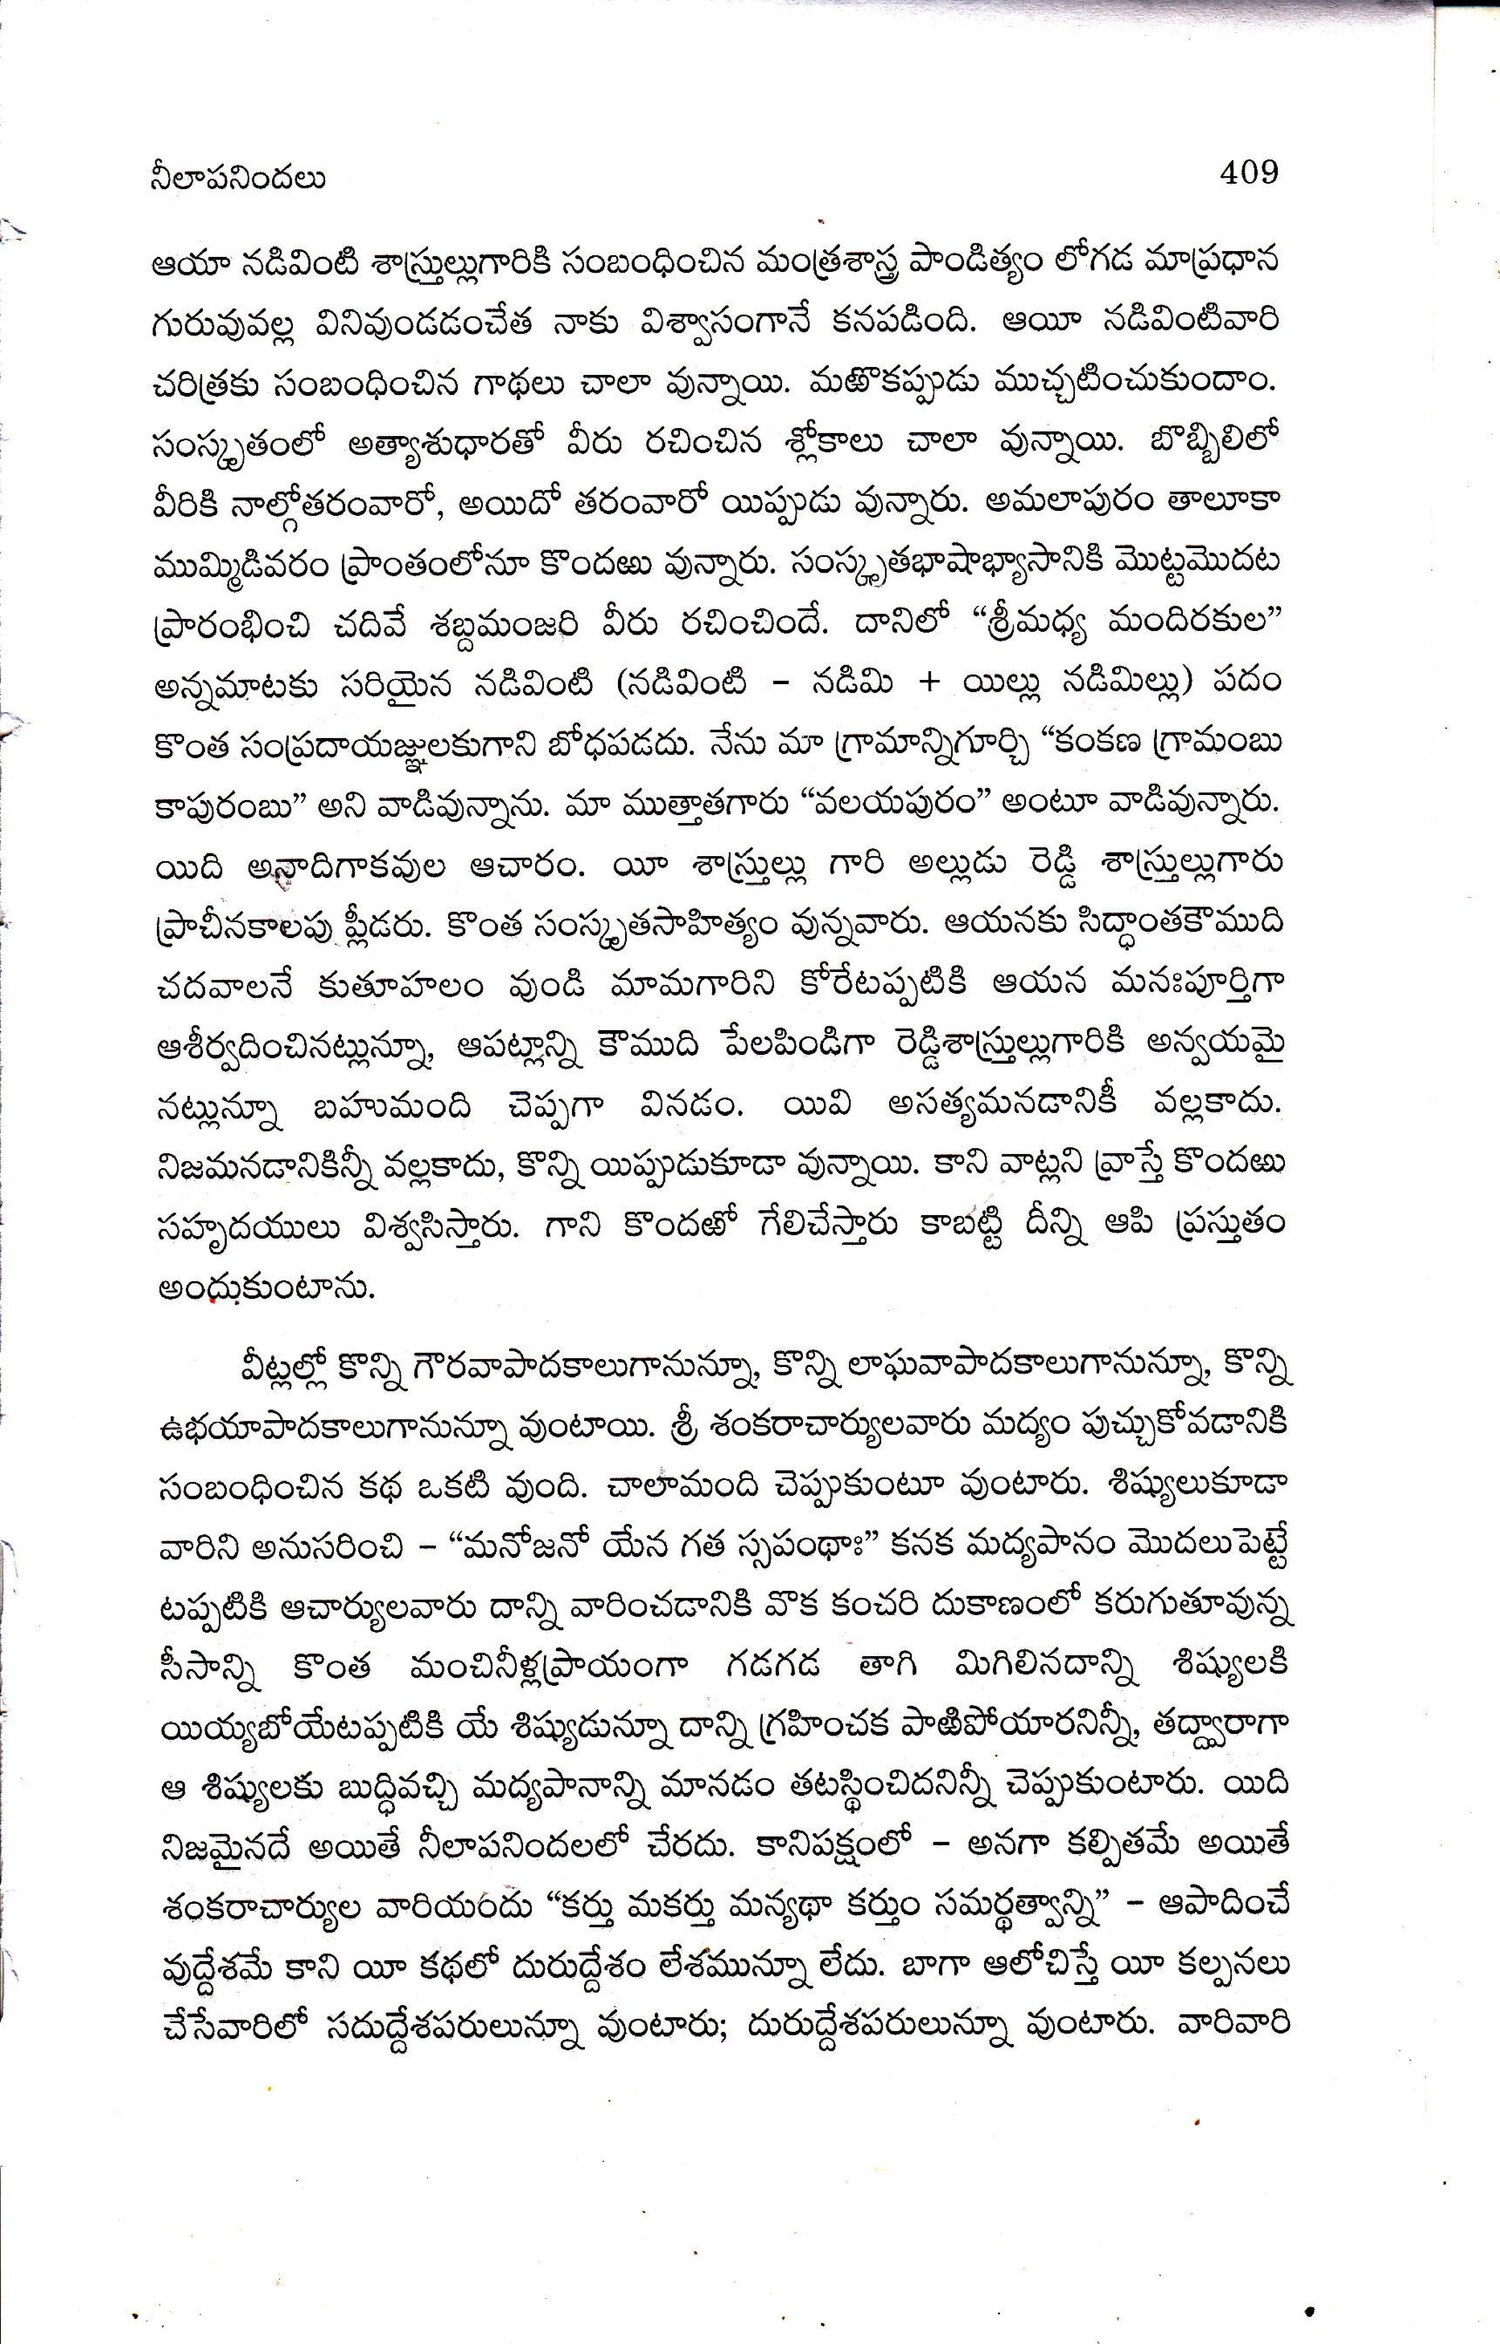ఆయా నడివింటి శాస్త్రుల్లుగారికి సంబంధించిన మంత్రశాస్త్ర పాండిత్యం లోగడ మాప్రధాన గురువువల్ల వినివుండడంచేత నాకు విశ్వాసంగానే కనపడింది. ఆయీ నడివింటివారి చరిత్రకు సంబంధించిన గాథలు చాలా వున్నాయి. మఱొకప్పుడు ముచ్చటించుకుందాం. సంస్కృతంలో అత్యాశుధారతో వీరు రచించిన శ్లోకాలు చాలా వున్నాయి. బొబ్బిలిలో వీరికి నాల్లోతరంవారో, అయిదో తరంవారో యిప్పుడు వున్నారు. అమలాపురం తాలూకా ముమ్మిడివరం ప్రాంతంలోనూ కొందఱు వున్నారు. సంస్కృతభాషాభ్యాసానికి మొట్టమొదట ప్రారంభించి చదివే శబ్దమంజరి వీరు రచించిందే. దానిలో “శ్రీమధ్య మందిరకుల” అన్నమాటకు సరియైన నడివింటి (నడివింటి - నడిమి + యిల్లు నడిమిల్లు) పదం కొంత సంప్రదాయజ్ఞులకుగాని బోధపడదు. నేను మా గ్రామాన్నిగూర్చి “కంకణ గ్రామంబు కాపురంబు" అని వాడివున్నాను. మా ముత్తాతగారు “వలయపురం" అంటూ వాడివున్నారు. యిది అనాదిగాకవుల ఆచారం. యీ శాస్త్రుల్లు గారి అల్లుడు రెడ్డి శాస్త్రుల్లుగారు ప్రాచీనకాలపు ప్లీడరు. కొంత సంస్కృతసాహిత్యం వున్నవారు. ఆయనకు సిద్ధాంతకౌముది చదవాలనే కుతూహలం వుండి మామగారిని కోరేటప్పటికి ఆయన మనఃపూర్తిగా ఆశీర్వదించినట్లున్నూ ఆపట్లాన్ని కౌముది పేలపిండిగా రెడ్డిశాస్త్రుల్లుగారికి అన్వయమై నట్లున్నూ బహుమంది చెప్పగా వినడం. యివి అసత్యమనడానికీ వల్లకాదు. నిజమనడానికిన్నీ వల్లకాదు, కొన్ని యిప్పుడుకూడా వున్నాయి. కాని వాట్లని వ్రాస్తే కొందఱు సహృదయులు విశ్వసిస్తారు. గాని కొందఱో గేలిచేస్తారు కాబట్టి దీన్ని ఆపి ప్రస్తుతం అందుకుంటాను.

వీట్లల్లో కొన్ని గౌరవాపాదకాలుగానున్నూ కొన్ని లాఘవాపాదకాలుగానున్నూ కొన్ని ఉభయాపాదకాలుగానున్నూ వుంటాయి. శ్రీ శంకరాచార్యులవారు మద్యం పుచ్చుకోవడానికి సంబంధించిన కథ ఒకటి వుంది. చాలామంది చెప్పుకుంటూ వుంటారు. శిష్యులుకూడా వారిని అనుసరించి – “మనోజనో యేన గత స్పపంథా" కనక మద్యపానం మొదలుపెట్టే టప్పటికి ఆచార్యులవారు దాన్ని వారించడానికి వొక కంచరి దుకాణంలో కరుగుతూవున్న సీసాన్ని కొంత మంచినీళ్లప్రాయంగా గడగడ తాగి మిగిలినదాన్ని శిష్యులకి యియ్యబోయేటప్పటికి యే శిష్యుడున్నూదాన్ని గ్రహించక పాఱిపోయారనిన్నీ తద్ద్వారాగా ఆ శిష్యులకు బుద్ధివచ్చి మద్యపానాన్ని మానడం తటస్థించిదనిన్నీ చెప్పుకుంటారు. యిది నిజమైనదే అయితే నీలాపనిందలలో చేరదు. కానిపక్షంలో - అనగా కల్పితమే అయితే శంకరాచార్యుల వారియందు "కర్తు మకర్తు మన్యథా కర్తుం సమర్థత్వాన్ని" - ఆపాదించే వుద్దేశమే కాని యీ కథలో దురుద్దేశం లేశమున్నూ లేదు. బాగా ఆలోచిస్తే యీ కల్పనలు చేసేవారిలో సదుద్దేశపరులున్నూ వుంటారు; దురుద్దేశపరులున్నూ వుంటారు. వారివారి